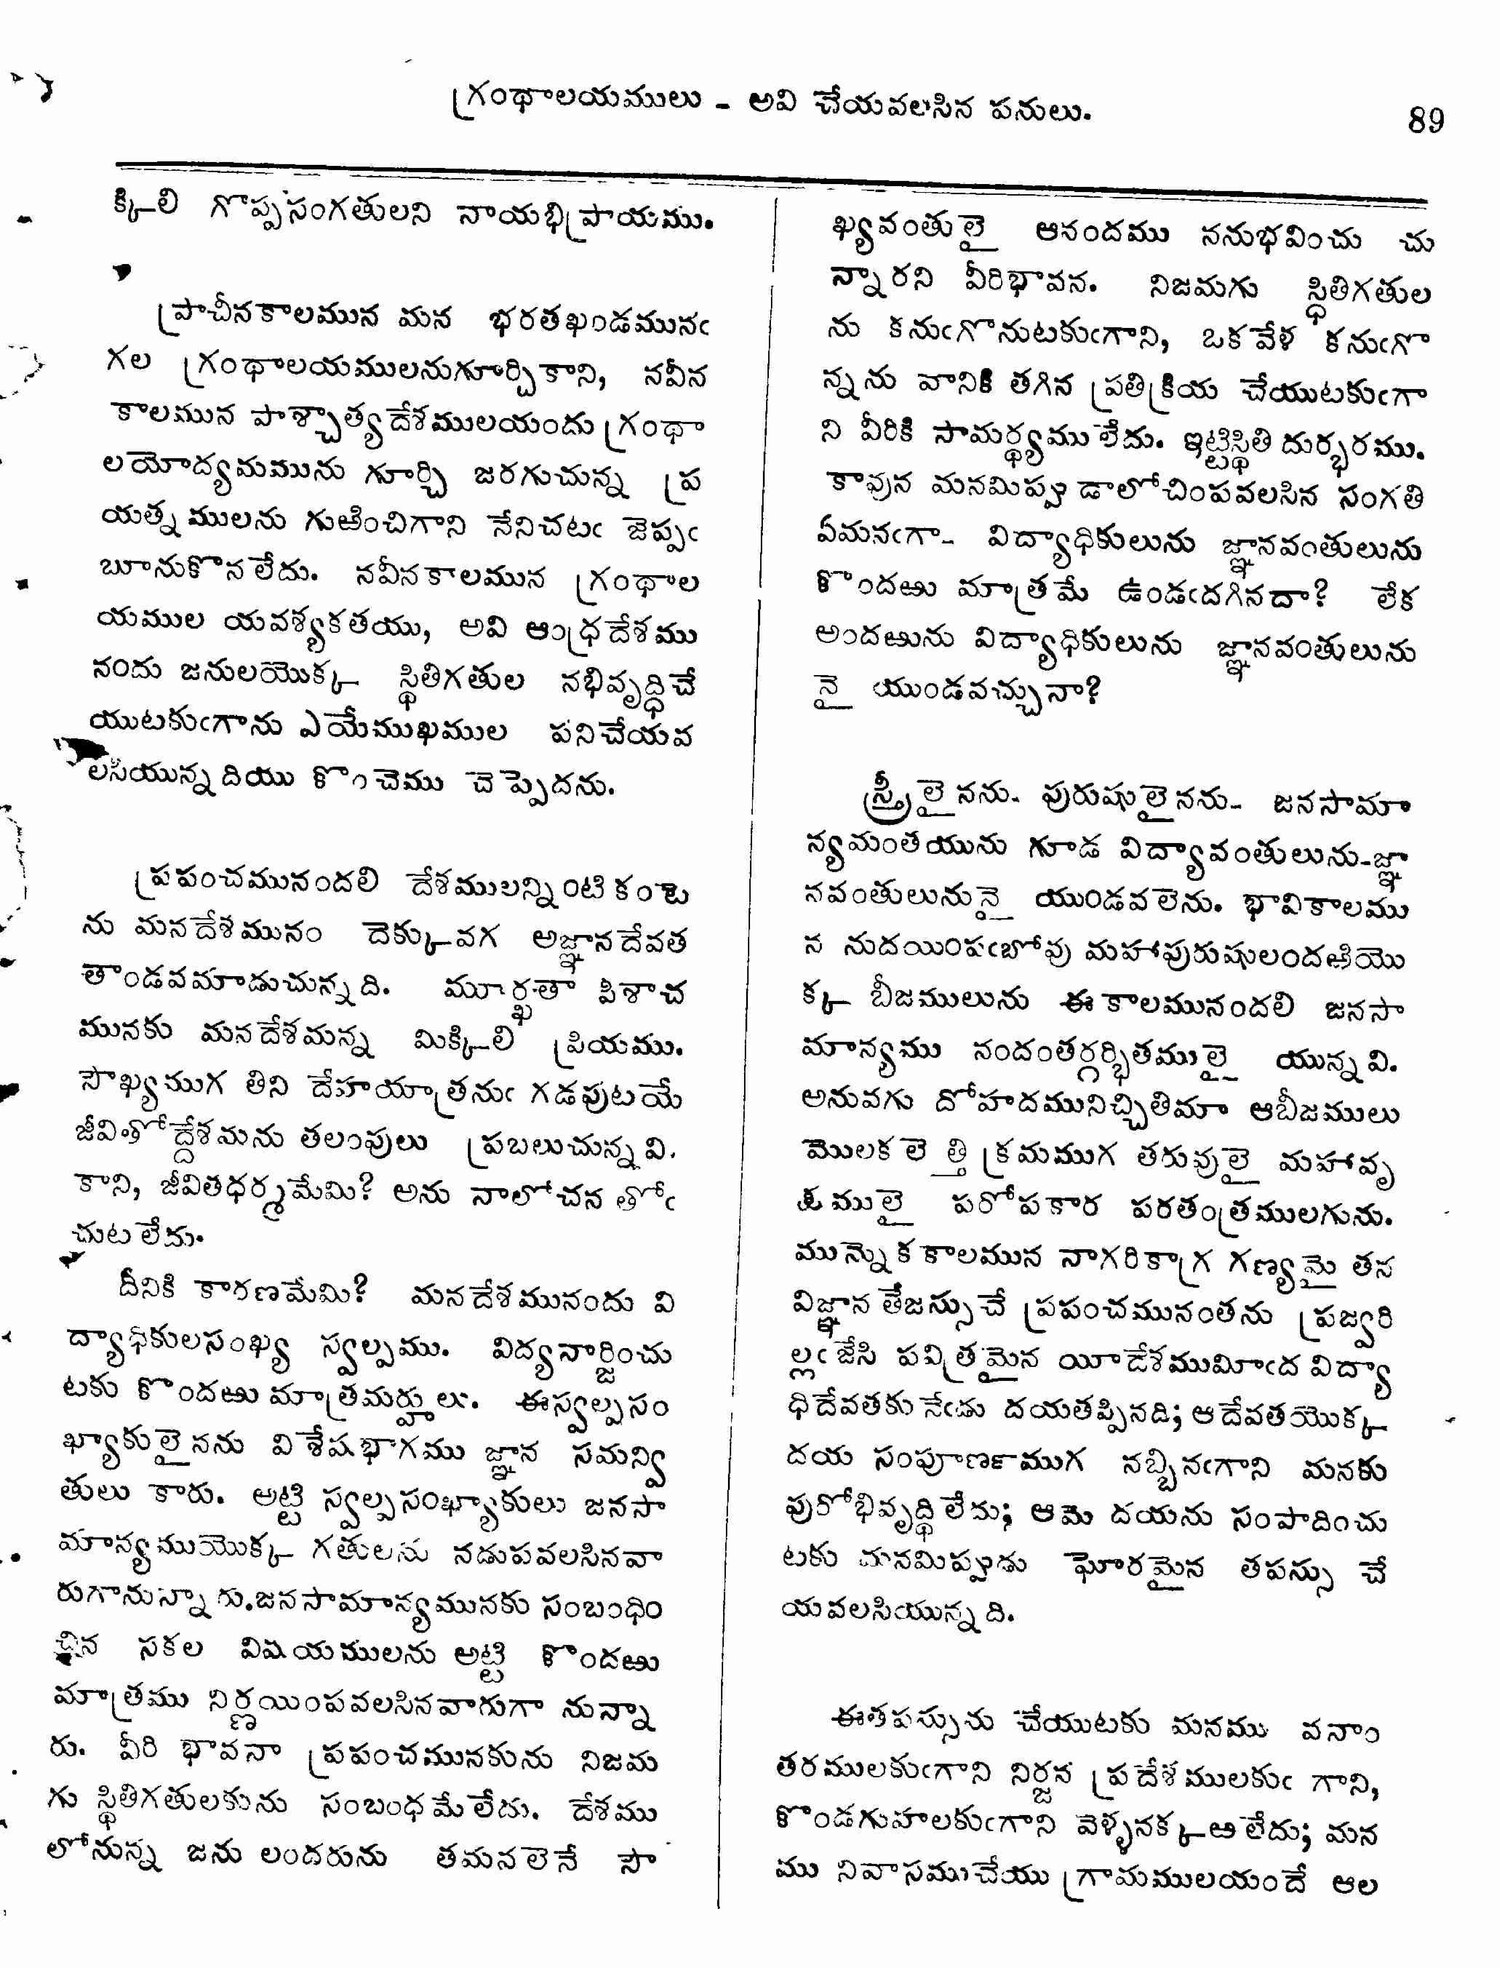క్కిలి గొప్పసంగతులని నాయభిప్రాయము.

ప్రాచీన కాలమున మన భరతఖండమునఁ
గల గ్రంథాలయములను గూర్చి కాని, నవీన
కాలమున పాశ్చాత్యదేశములయందు గ్రంథా
లయోద్యమమును గూర్చి జరుగుతున్న ప్ర
యత్నములను గుఱించి గాని నేనిచటఁ జెప్పఁ
బూనుకొనలేదు. నవీనకాలమున గ్రంథాల
యముల యవశ్యకతయు, అవి ఆంధ్రదేశము
నందు జనులయొక్క స్థితిగతుల నభివృద్ధి చే
యుటకుఁగాను ఎయేముఖములు పనిచేయవ
లసియున్నదియు కొంచెము చెప్పెదను.

ప్రపంచమునందలి దేశములన్నింటికంటేను మనదేశమునం దెక్కువగ అజ్ఞానదేవత
తాండవమాడుచున్నది. మూర్ఖతా పిశాచ
మునకు మన దేశమన్న మిక్కిలి ప్రియము.
సౌఖ్యముగ తిని దేహయాత్రనుఁ గడపుటయే
జీవితోద్దేశమను తలంపులు ప్రబలుచున్నవి.
కాని, జీవితధర్మమేమి? అను నాలోచన తోఁ
చుట లేదు.

దీనికి కారణమేమి? మన దేశమునందు వి
ద్యాధికులసంఖ్య స్వల్పము. విద్యనార్జించు
టకు కొందఱు మాత్రమర్హులు. ఈ స్వల్పసం
ఖ్యాకులైనను విశేషభాగము జ్ఞాన సమన్వి
తులు కారు. అట్టి స్వల్ప సంఖ్యాకులు జనసా
మాన్యముయొక్క గతులను నడుపవలసినవా
రుగానున్నారు. జనసామాన్యమునకు సంబంధిం
చిన సకల విషయములను అట్టి కొందఱు
మాత్రము నిర్ణయింపవలసినవారుగా నున్నా
రు. వీరి భావనా ప్రపంచమునకును నిజమ
గు స్థితిగతులకును సంబంధమేలేదు. దేశము
లోనున్న జనులందరును తమనలెనే సౌ
ఖ్యవంతులై ఆనందము ననుభవించు చు
న్నారని వీరిభావన.
నిజమగు స్థితిగతుల
ను కనుఁగొనుటకుఁ గాని, ఒక వేళ 'కనుఁగొ
న్నను వానికి తగిన ప్రతిక్రియ చేయుటకుఁగాని వీరికి
సామర్థ్యము లేదు. ఇట్టిస్థితి దుర్భరము.
కావున మనమిప్పుడాలోచింపవలసిన సంగతి
ఏమనఁగా- విద్యాధికులును జ్ఞానవంతులును
కొందఱు మాత్రమే ఉండఁదగినదా? లేక
అందఱును విద్యాధికులును జ్ఞానవంతులును
నై యుండవచ్చునా?

స్త్రీలైనను. పురుషులైనను. జనసామా
న్యమంతయును గూడ విద్యావంతులును-జ్ఞా
నవంతులునునై యుండవలెను. భావికాలమున నుదయింపఁబోవు మహాపురుషులందఱి యొక్క బీజములును ఈ కాలమునందలి జనసా
మాన్యము నందంతర్గర్భితములై యున్నవి.
అనువగు దోహదమునిచ్చితిమా ఆబీజములు
మొలకలెత్తి క్రమముగ తరువులై మహావృక్షములై పరోపకార పరతంత్రములగును.
మున్నెక కాలమున నాగరికాగ్ర గణ్యమై తన
విజ్ఞాన తేజస్సుచే ప్రపంచమునంతను ప్రజ్వరిల్లఁజేసి పవిత్రమైన యీదేశముమీఁద విద్యా
ధిదేవతకు నేఁడు దయతప్పినది; ఆ దేవతయొక్క
దయ సంపూణ౯ముగ నబ్బినఁగాని మనకు
పురోభివృద్ధి లేదు; ఆమె దయను సంపాదించుటకు మనమిప్పుడు ఘోరమైన తపస్సు చే
యవలసియున్నది.

ఈతపస్సును చేయుటకు మనము వనాంతరములకుఁగాని నిర్జన ప్రదేశములకుఁ గాని,
కొండగుహలకుఁగాని వెళ్ళనక్కఱలేదు; మనము నివాసముచేయు గ్రామములయందే ఆలా